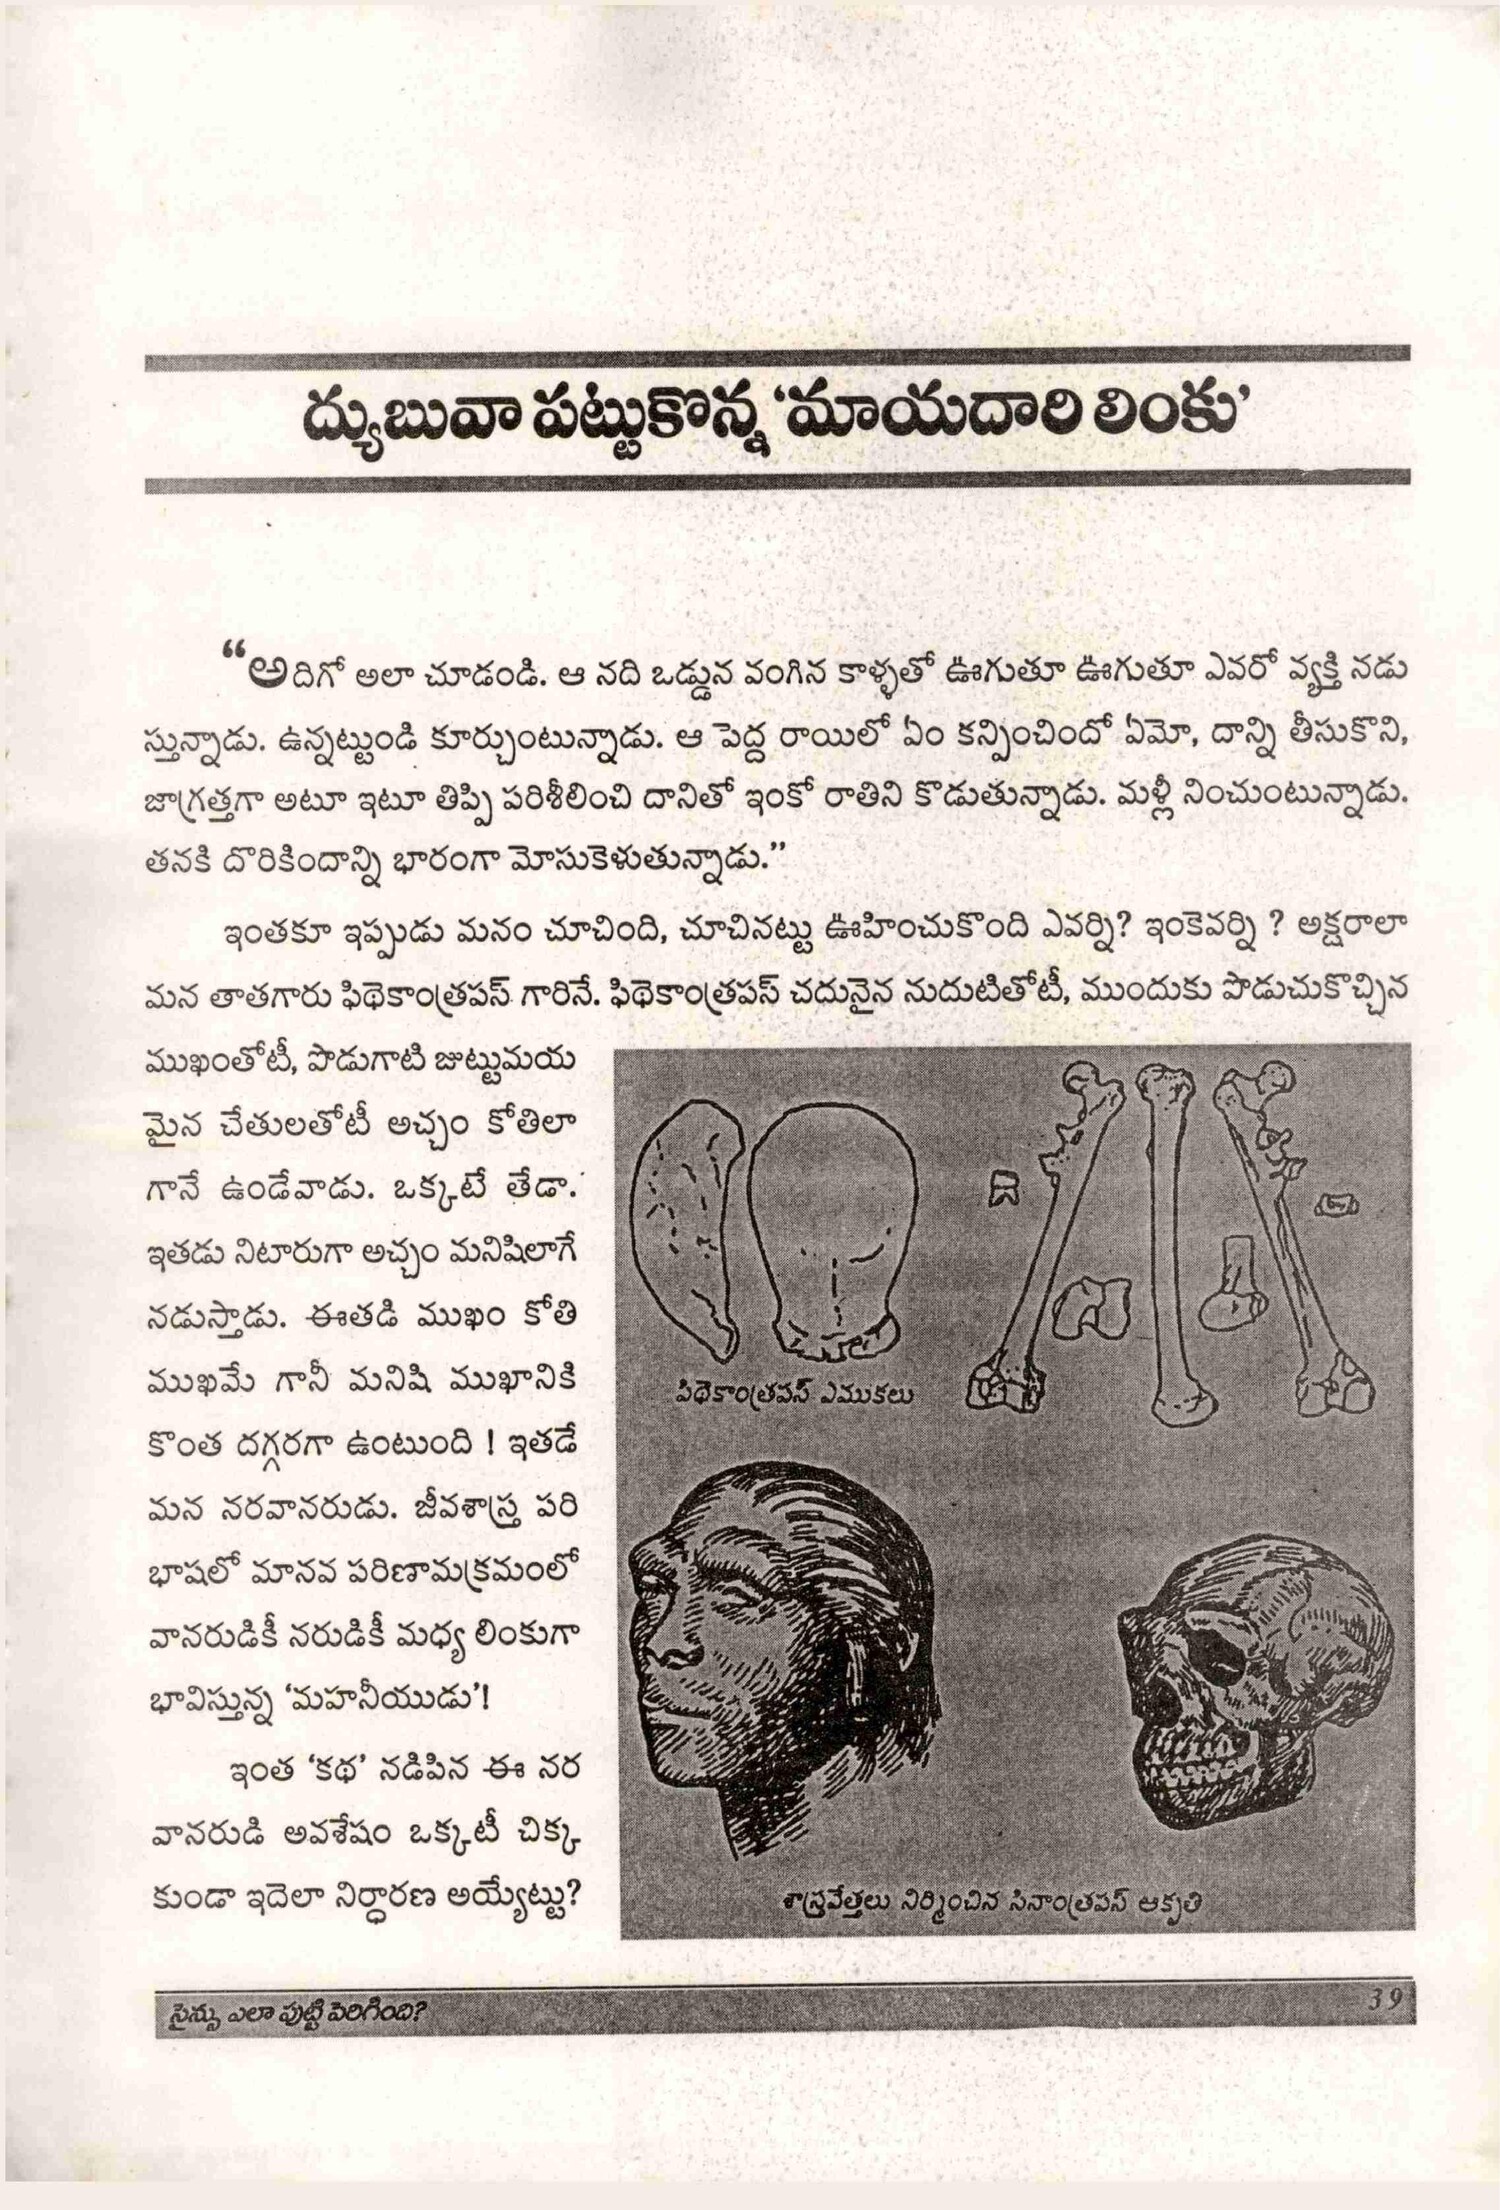ద్యుబువా పట్టుకొన్న 'మాయదారి లింకు'

“అదిగో అలా చూడండి. ఆ నది ఒడ్డున వంగిన కాళ్ళతో ఊగుతూ ఊగుతూ ఎవరో వ్యక్తి నడుస్తున్నాడు. ఉన్నట్టుండి కూర్చుంటున్నాడు. ఆ పెద్ద రాయిలో ఏం కన్పించిందో ఏమో, దాన్ని తీసుకొని, జాగ్రత్తగా అటూ ఇటూ తిప్పి పరిశీలించి దానితో ఇంకో రాతిని కొడుతున్నాడు. మళ్లీ నించుంటున్నాడు. తనకి దొరికిందాన్ని భారంగా మోసుకెళుతున్నాడు.”

ఇంతకూ ఇప్పుడు మనం చూచింది, చూచినట్టు ఊహించుకొంది ఎవర్ని? ఇంకెవర్ని? అక్షరాలా మన తాతగారు ఫిథెకాంత్రపస్ గారినే. ఫిథెకాంత్రపస్ చదునైన నుదుటితోటీ, ముందుకు పొడుచుకొచ్చిన ముఖంతోటీ, పొడుగాటి జుట్టుమయమైన చేతులతోటీ అచ్చం కోతిలా గానే ఉండేవాడు. ఒక్కటే తేడా.” ఇతడు నిటారుగా అచ్చం మనిషిలాగే
నడుస్తాడు. ఈతడి ముఖం కోతి ముఖమే గానీ మనిషి ముఖానికి కొంత దగ్గరగా ఉంటుంది ! ఇతడే మన నరవానరుడు. జీవశాస్త్ర పరిభాషలో మానవ పరిణామక్రమంలో వానరుడికీ నరుడికీ మధ్య లింకుగా భావిస్తున్న 'మహనీయుడు'!

ఇంత 'కథ' నడిపిన ఈ నర వానరుడి అవశేషం ఒక్కటీ చిక్కకుండా ఇదెలా నిర్ధారణ అయ్యేట్టు?